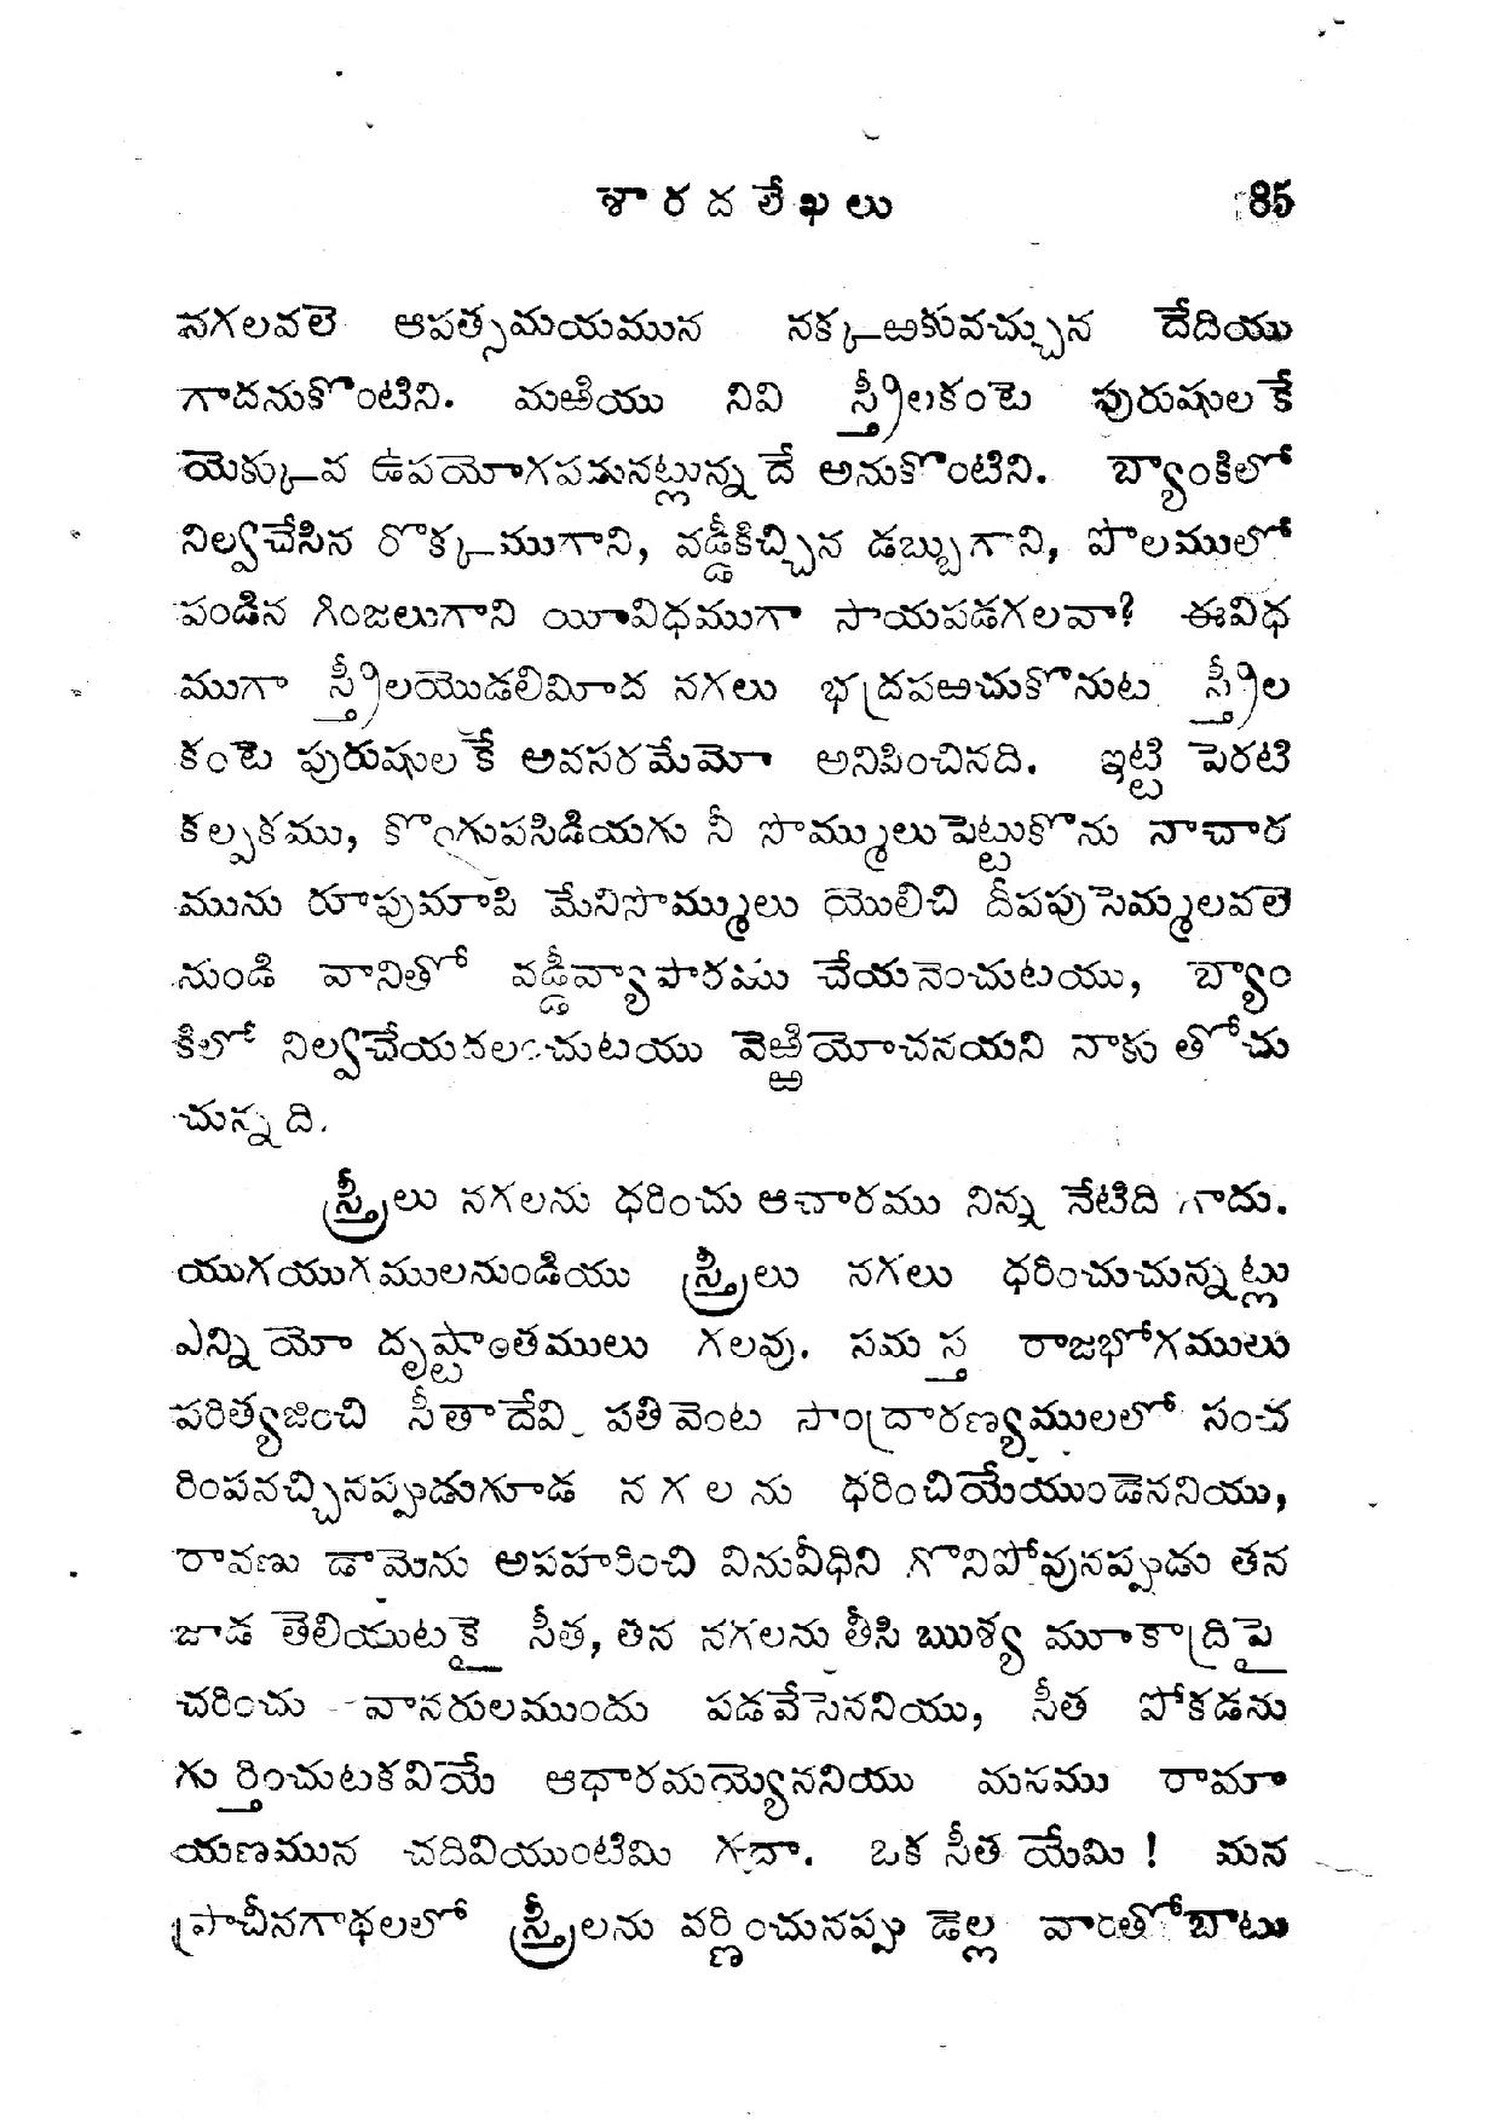నగలవలె ఆపత్సమయమున నక్క‌ఱకువచ్చున దేదియు
గాదనుకొంటిని. మఱియు నివి స్త్రీలకంటె పురుషుల కే
యెక్కువ ఉపయోగపడునట్లున్న దే అనుకొంటిని. బ్యాంకిలో
నిల్వచేసిన రొక్కముగానీ వడ్డీకిచ్చిన డబ్బుగాని, పొలములో
పండిన గింజలుగాని యీవిధముగా సాయపడగలవా? ఈవిధ
ముగా స్త్రీలయొడలిమీద నగలు భద్రపఱచుకొనుట స్త్రీల
కంటె పురుషులకే అవసరమేమో అనిపించినది. ఇట్టి పెరటి
కల్పకము, కొంగుపసిడియగు నీ సొమ్ములుపెట్టుకొను నాచార
మును రూపుమాపి మేనిసొమ్ములు యొలిచి దీపపుసెమ్మలవలె
నుండి వానితో వడ్డీవ్యాపారము చేయనెంచుటయు, బ్యాం
కీలో నిల్వచేయదలంచుటయు వెఱ్ఱియోచనయని నాకు తోచు
చున్నది.

స్త్రీలు నగలను ధరించు ఆచారము నిన్న నేటిది గాదు.
యుగయుగములనుండియు స్త్రీలు నగలు ధరించుచున్నట్లు
ఎన్ని యో దృష్టాంతములు గలవు. సమస్త రాజభోగములు
పరిత్యజించి సీతాదేవి పతివెంట సాంద్రారణ్యములలో సంచ
రింపవచ్చినప్పుడు గూడ నగలను ధరించి యేయుండెననియు,
రావణు డామెను అపహరించి వినువీధిని గొనిపోవునప్పుడు తన
జాడ తెలియుటకై సీత, తన నగలను తీసి ఋశ్య మూకాద్రిపై
చరించు వానరులముందు పడవేసెననియు, సీత పోకడను
గుర్తించుటకవియే ఆధారమయ్యెననియు మనము రామా
యణమున చదివియుంటిమి గదా. ఒక సీత యేమి ! మన
ప్రాచీనగాథలలో స్త్రీలను వర్ణించునప్పు డెల్ల వారితోబాటు